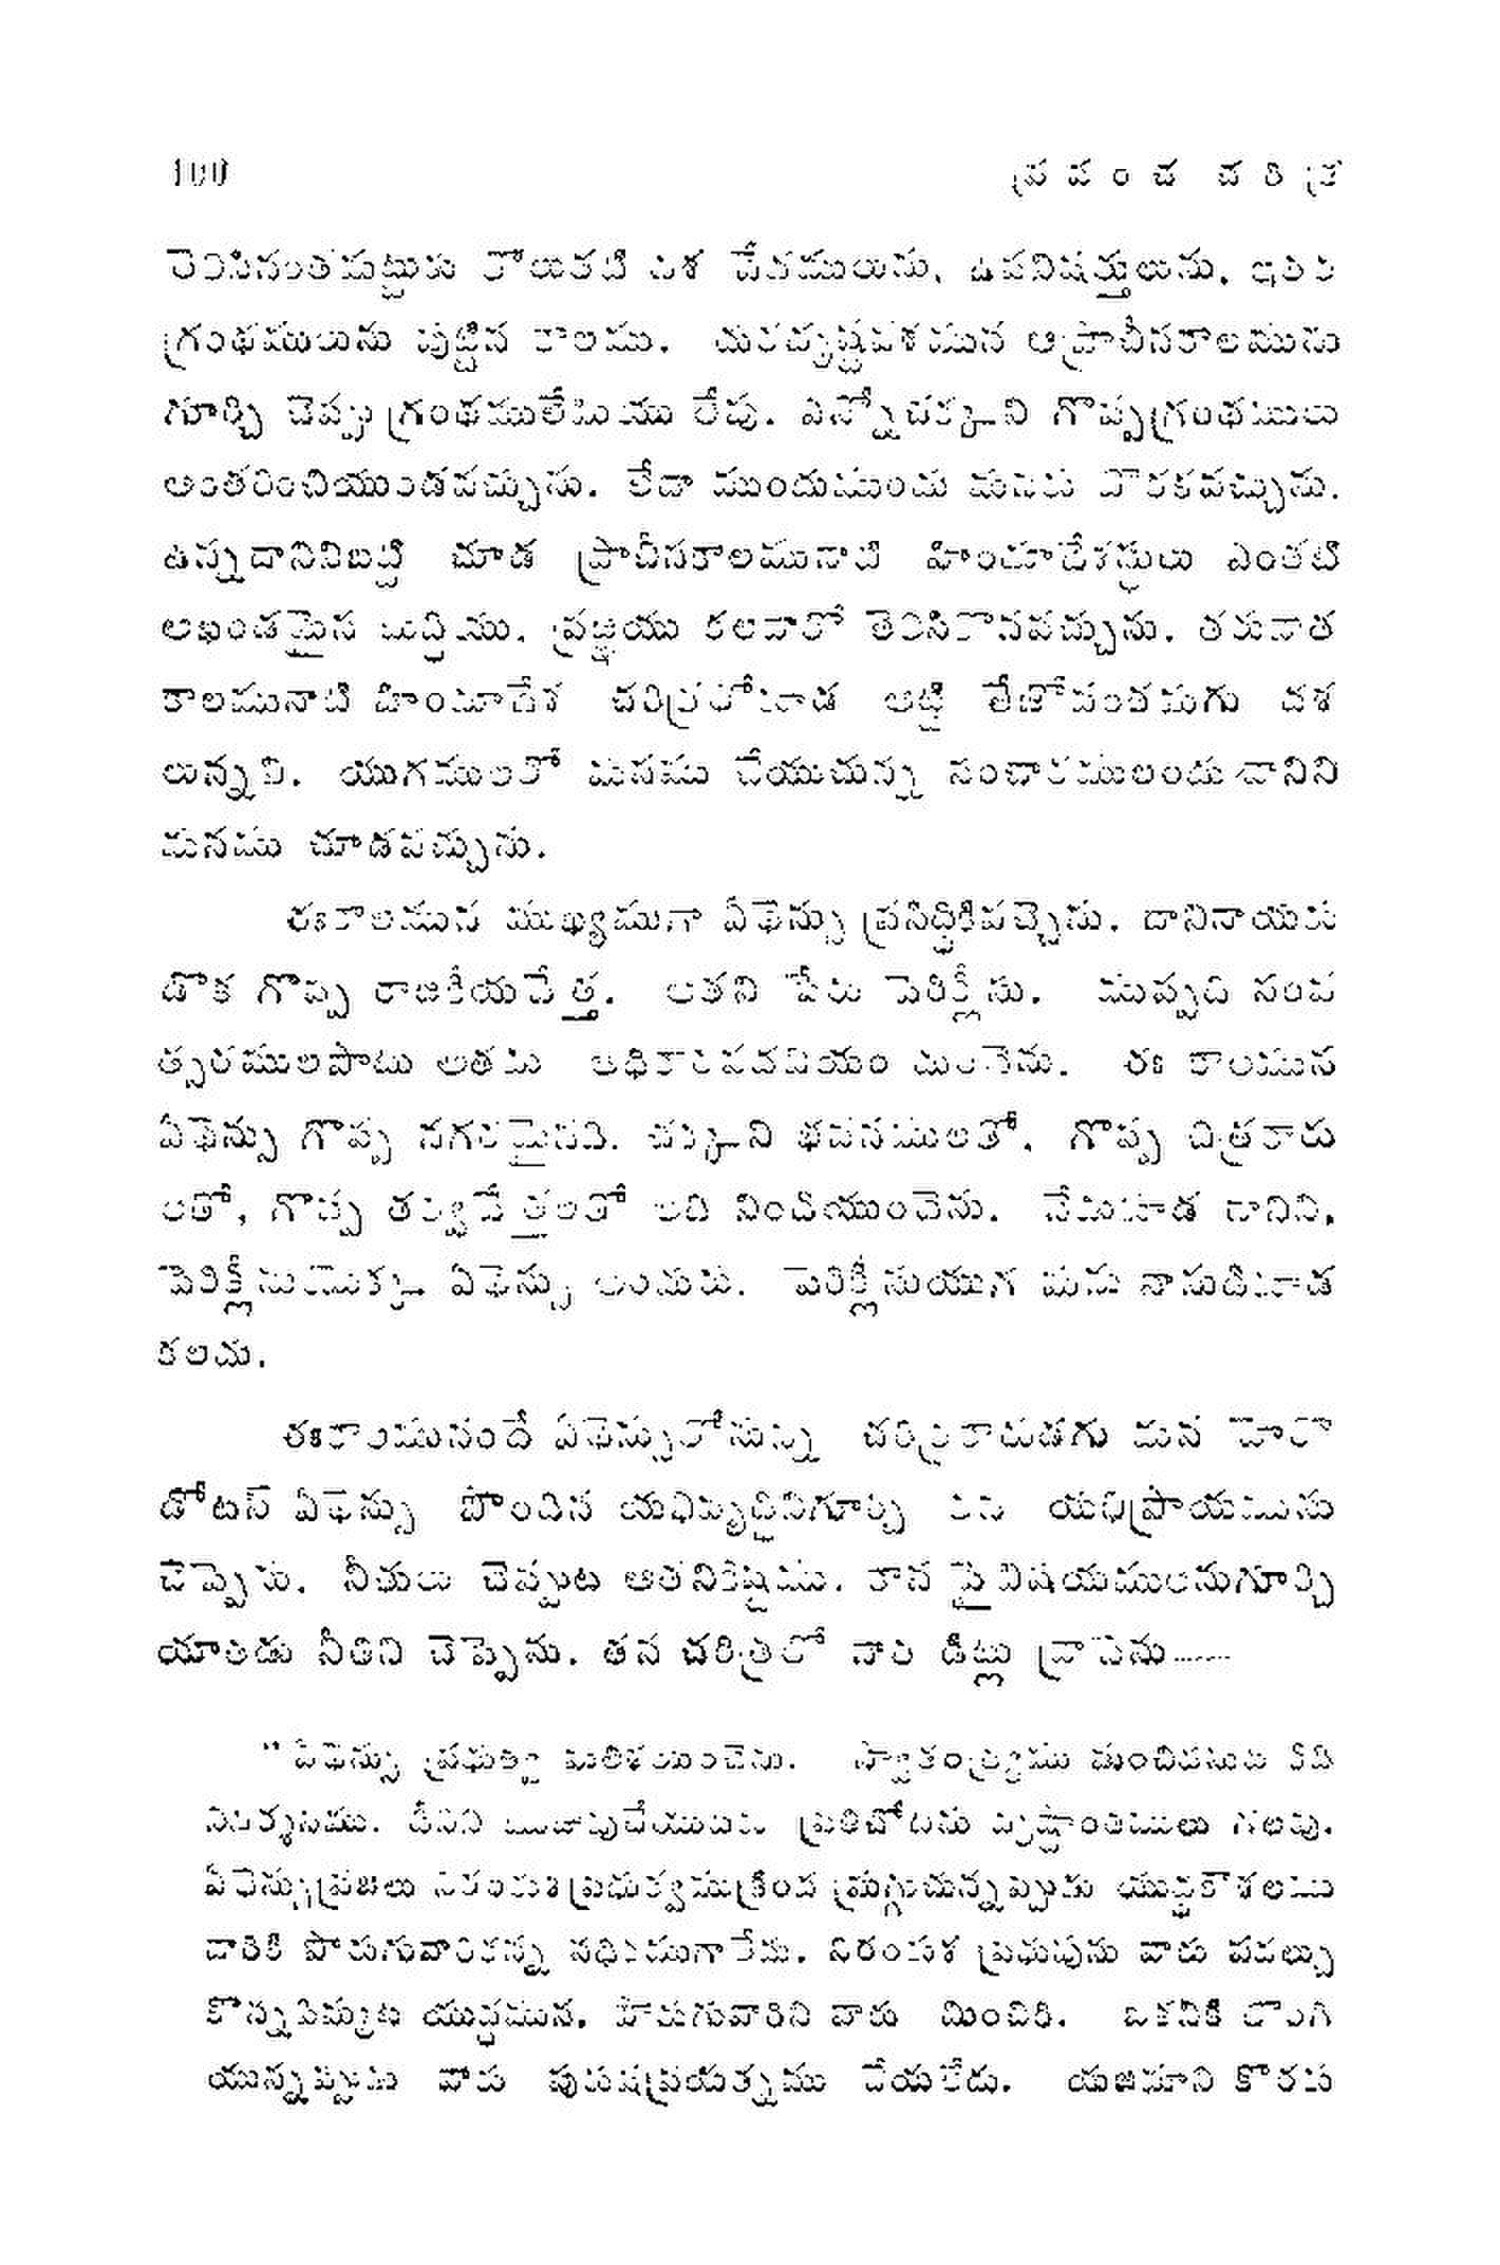తెలిసినంతమట్టుకు తొలుతటి దశ వేదములును, ఉపనిషత్తులును, ఇతర గ్రంథములును పుట్టిన కాలము. దురదృష్టవశమున ఆప్రాచీనకాలమును గూర్చి చెప్పు గ్రంథములేమియు లేవు. ఎన్నోచక్కని గొప్పగ్రంథములు అంతరించియుండవచ్చును. లేదా ముందుముందు మనకు దొరకవచ్చును. ఉన్నదానినిబట్టి చూడ ప్రాచీనకాలమునాటి హిందూదేశస్థులు ఎంతటి అఖండమైన బుద్ధియు, ప్రజ్ఞయు కలవారో తెలిసికొనవచ్చును. తరువాత కాలమునాటి హిందూదేశ చరిత్రలోకూడ అట్టి తేజోవంతమగు దశలున్నవి. యుగములలో మనము చేయుచున్న సంచారములందు దానిని మనము చూడవచ్చును.

ఈకాలమున ముఖ్యముగా ఏథెంసు ప్రసిద్ధికివచ్చెను. దానినాయకు డొక గొప్ప రాజకీయవేత్త. అతని పేరు పెరిక్లీసు. ముప్పది సంవత్సరములపాటు అతడు అధికారపదవియం దుండెను. ఈ కాలమున ఏథెన్సు గొప్ప నగరమైనది. చక్కని భవనములతో, గొప్ప చిత్రకారులతో, గొప్ప తత్వవేత్తలతో అది నిండియుండెను. నేడుకూడ దానిని పెరిక్లీసుయొక్క ఏథెన్సు అందురు. పెరిక్లీసుయుగ మను నానుడికూడ కలదు.

ఈకాలమునందే ఏథెన్సులోనున్న చరిత్రకారుడగు మన హెరొడోటస్ ఏథెన్సు పొందిన యభివృద్ధినిగూర్చి తన యభిప్రాయమును చెప్పెను. నీతులు చెప్పుట అతనికిష్టము. కాన పైవిషయములనుగూర్చి యాతడు నీతిని చెప్పెను. తన చరిత్రలో నాత డిట్లు వ్రాసెను.

"ఏథెన్సు ప్రభుత్వ మతిశయించెను. స్వాతంత్ర్యము మంచిదనుట కిది నిదర్శనము. దీనిని ఋజువుచేయుటకు ప్రతిచోటను దృష్టాంతములు గలవు. ఏథెన్సుప్రజలు నిరంకుశప్రభుత్వముక్రింద మ్రగ్గుచున్నప్పుడు యుద్ధకౌశలము వారికి పొరుగువారికన్న నధికముగాలేదు. నిరంకుశ ప్రభువును వారు వదల్చుకొన్నపిమ్మట యుద్ధమున, పొరుగువారిని వారు మించిరి. ఒకనికి లొంగి యున్నప్పుడు వారు పురుషప్రయత్నము చేయలేదు. యజమాని కొరకు